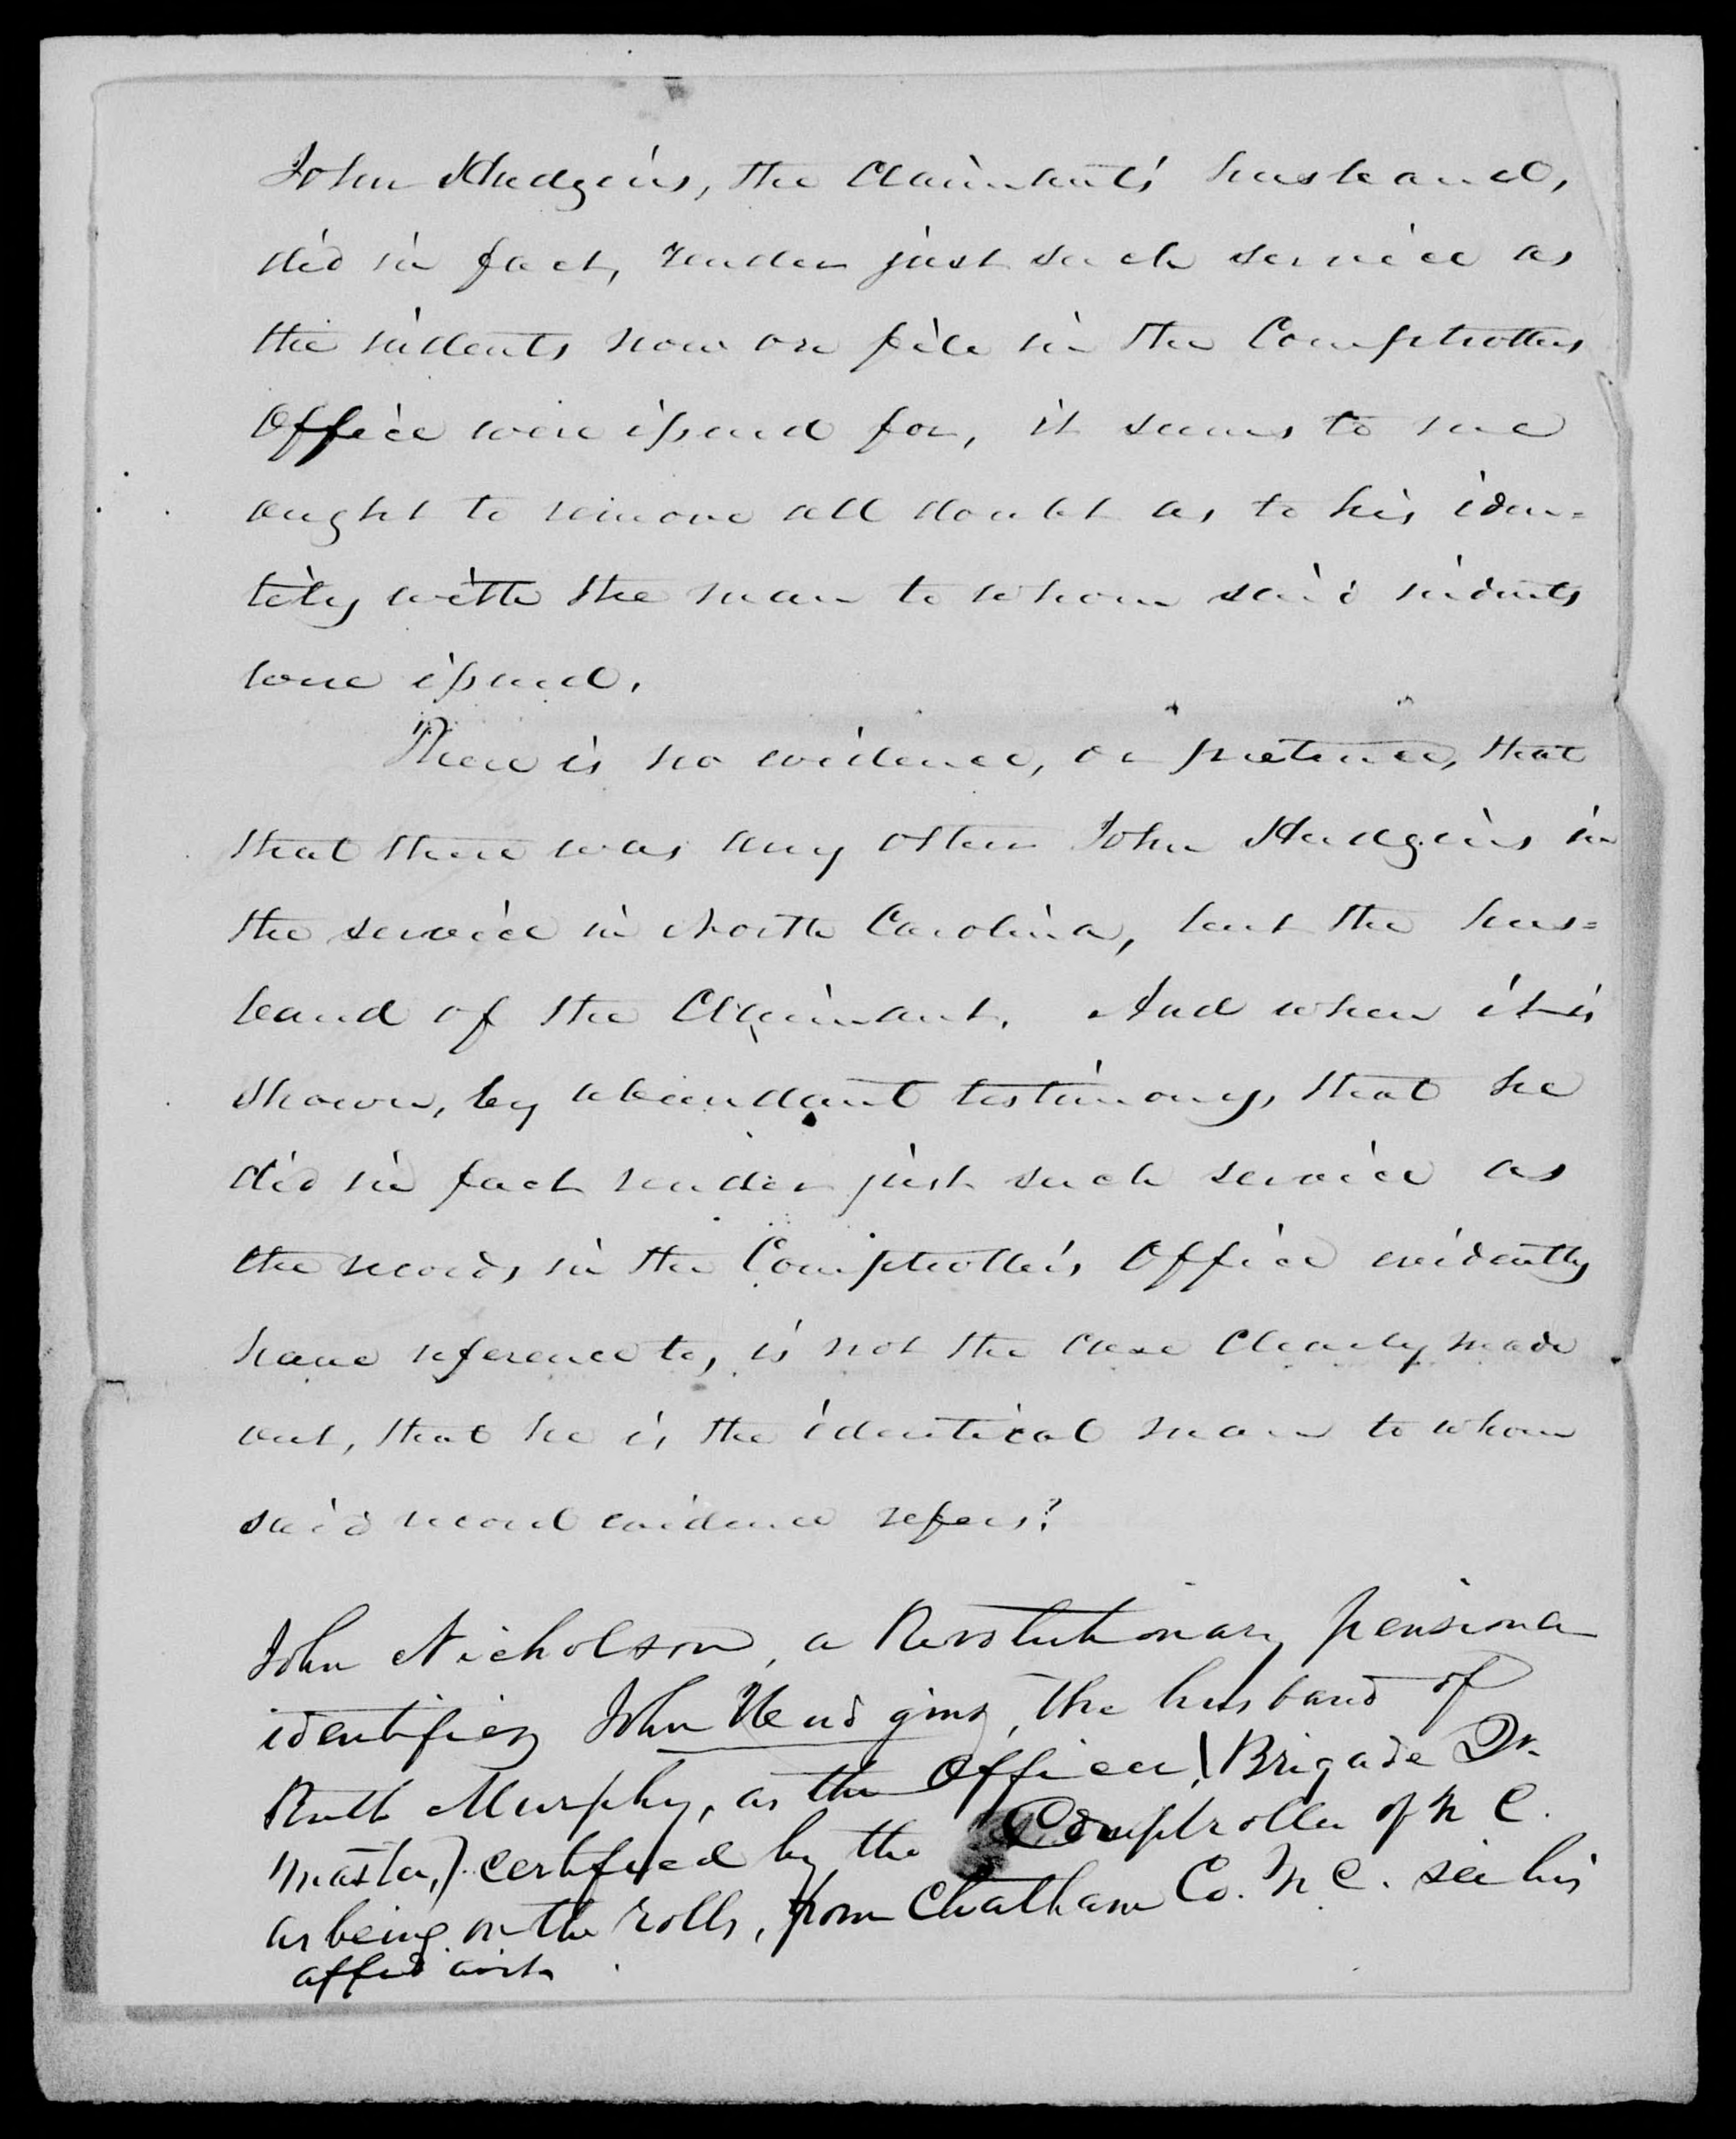John Hudgins, the claimaint's husband, did in fact, render just such service as the said now on file in the comptrollers office were opened for, it seems to see ought to remove all doubt as to his identity with the sworn to whom said resident once knew. 
There is no evidence, or pretension, that there was any other John Hudgins in the service in North Carolina, but the husband of the claimant. And when it is shown, by excellent testimony, that he did in fact render just such service as the records in the comptroller's office evidently have referenced to, is not the case clearly, that he is the identical man to whom said record evidence refers?

John Nicholson, a revolutionary pensioner identifying John Huggings, the husband of Ruth Murphy, as the officer Brigado Quarter Master, certified by the Comptroller of the N.C> and being on the rolls from Chatham Co. N.C. see his affidavits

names: John Hudgins, John Nicholson, Ruth Murphy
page: 96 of 108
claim: rejected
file: R. 7,515, John Hudgins, N.C.